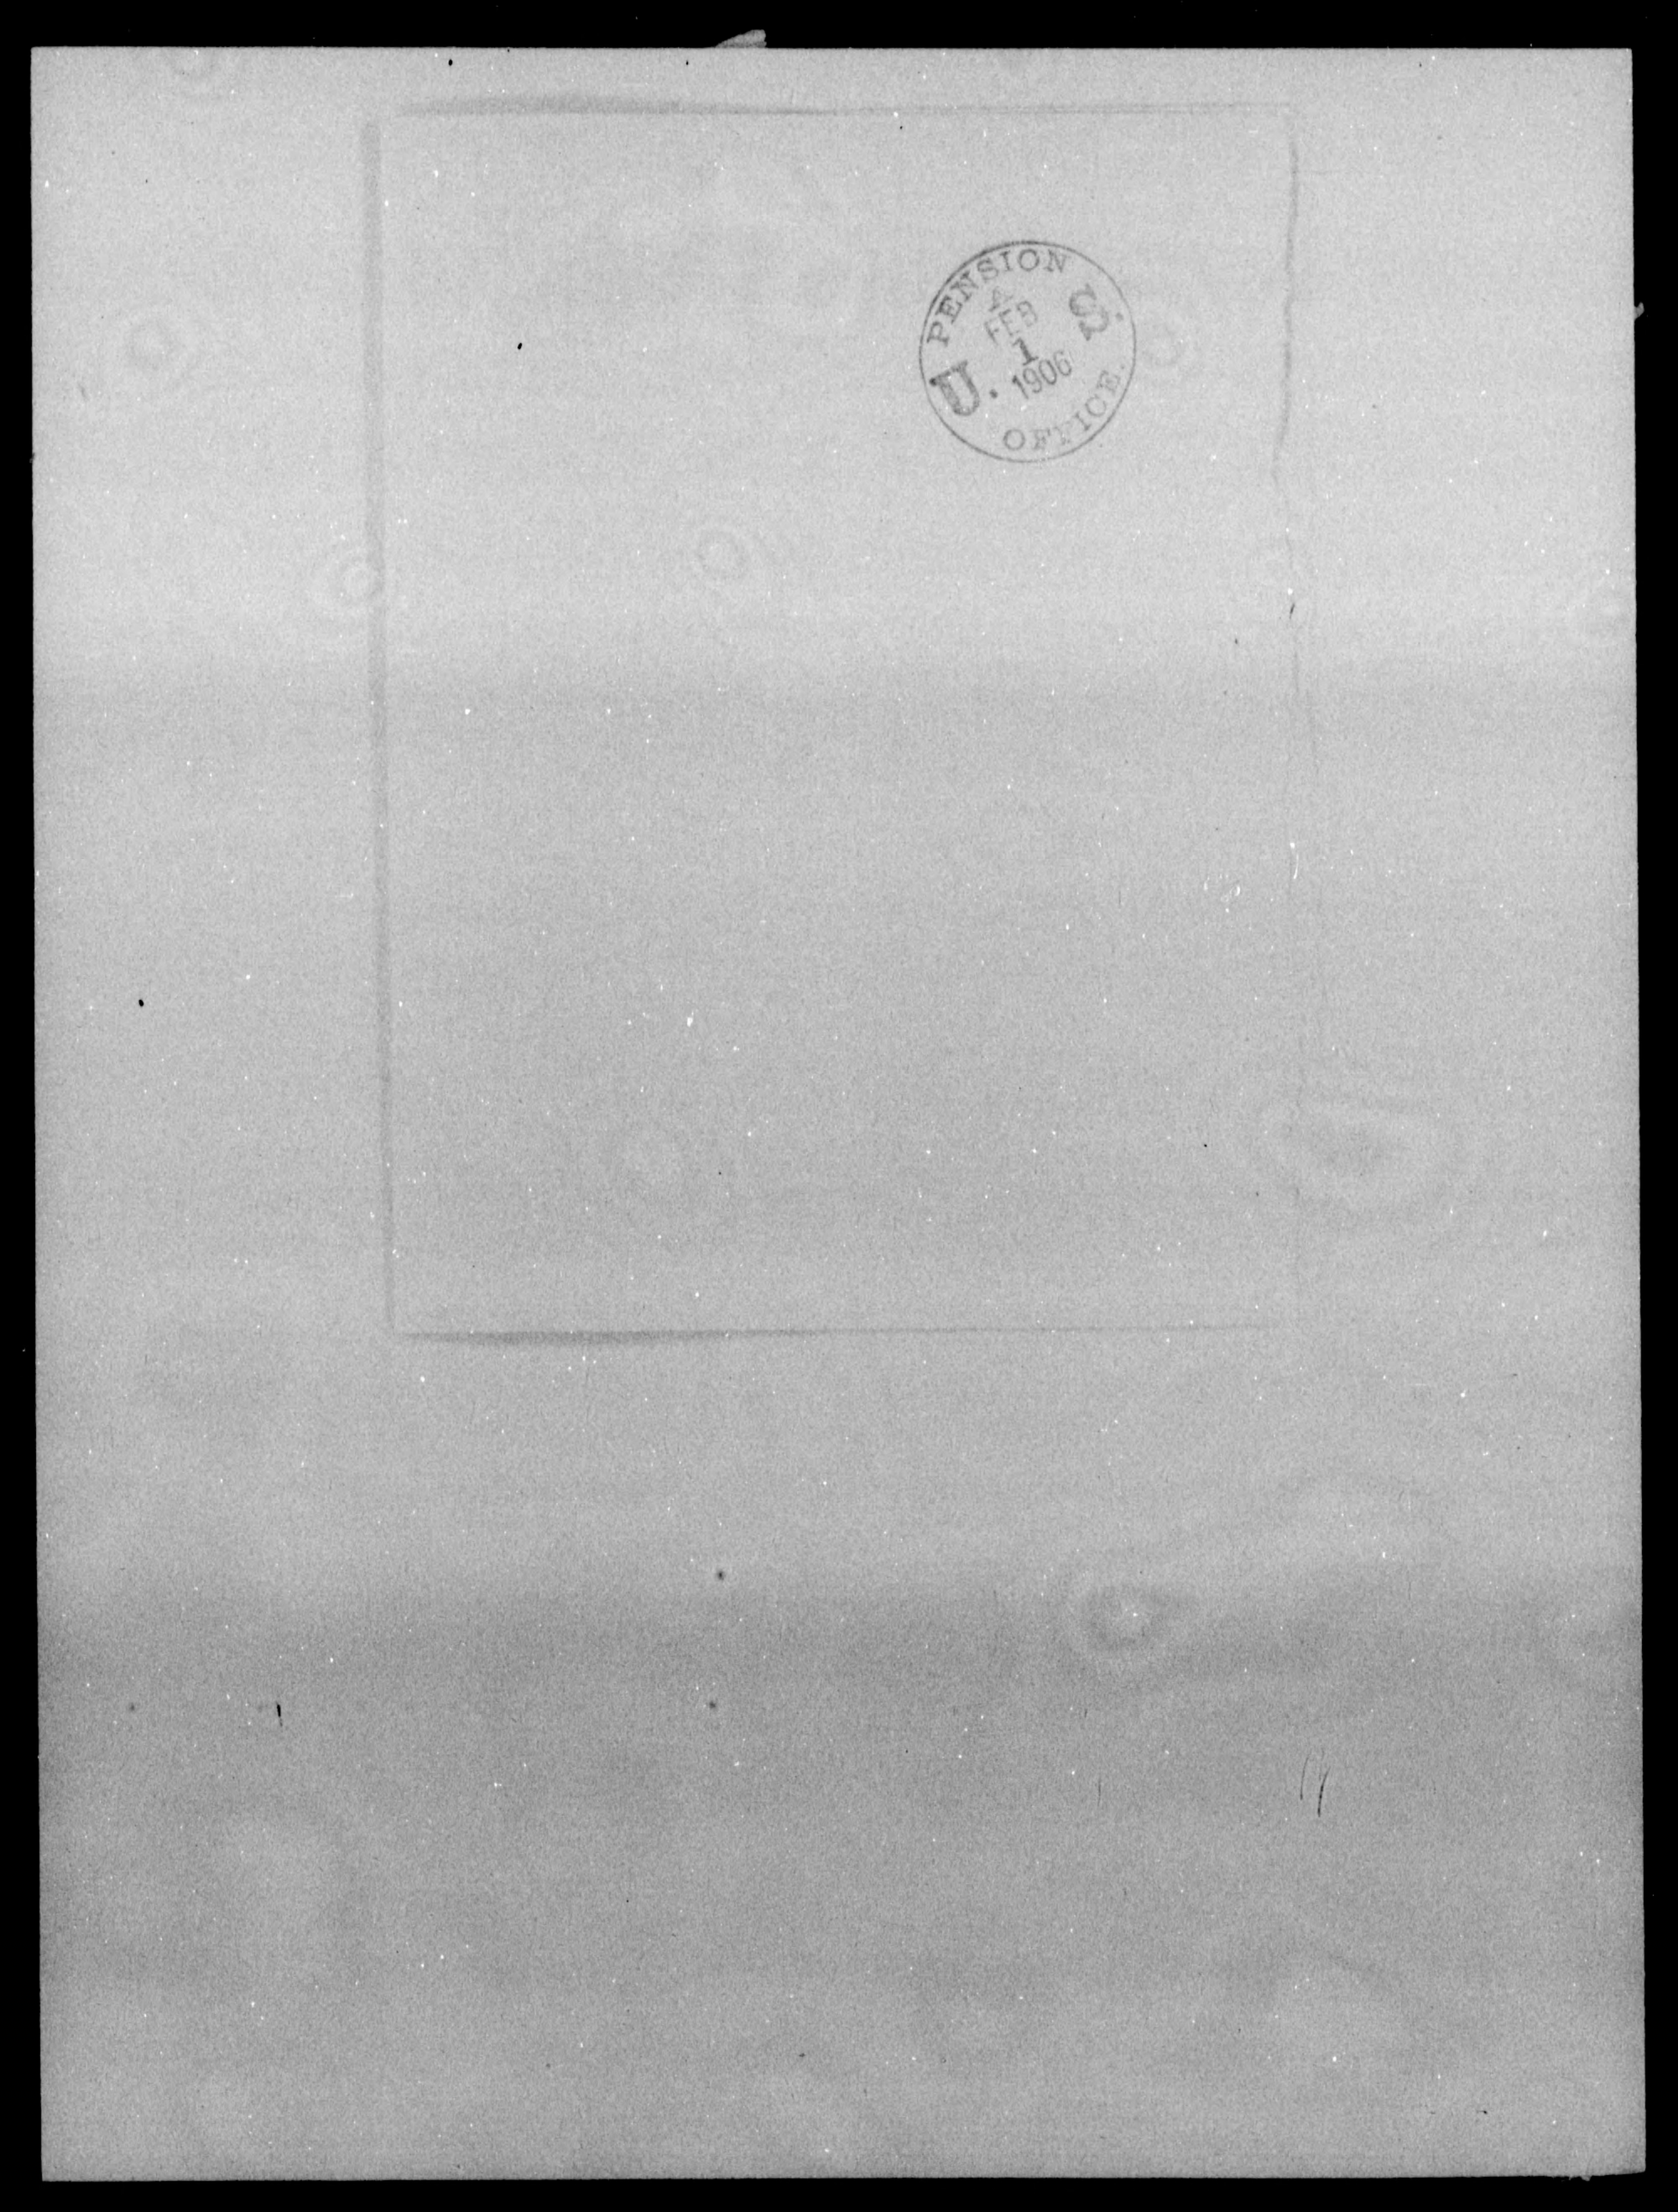[Post office stamp]

FEB 1 1906
PENSION 
U.S.
OFFICE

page: 20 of 20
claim: survivor's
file: S. 43891, for Daniel Ray, Connecticut